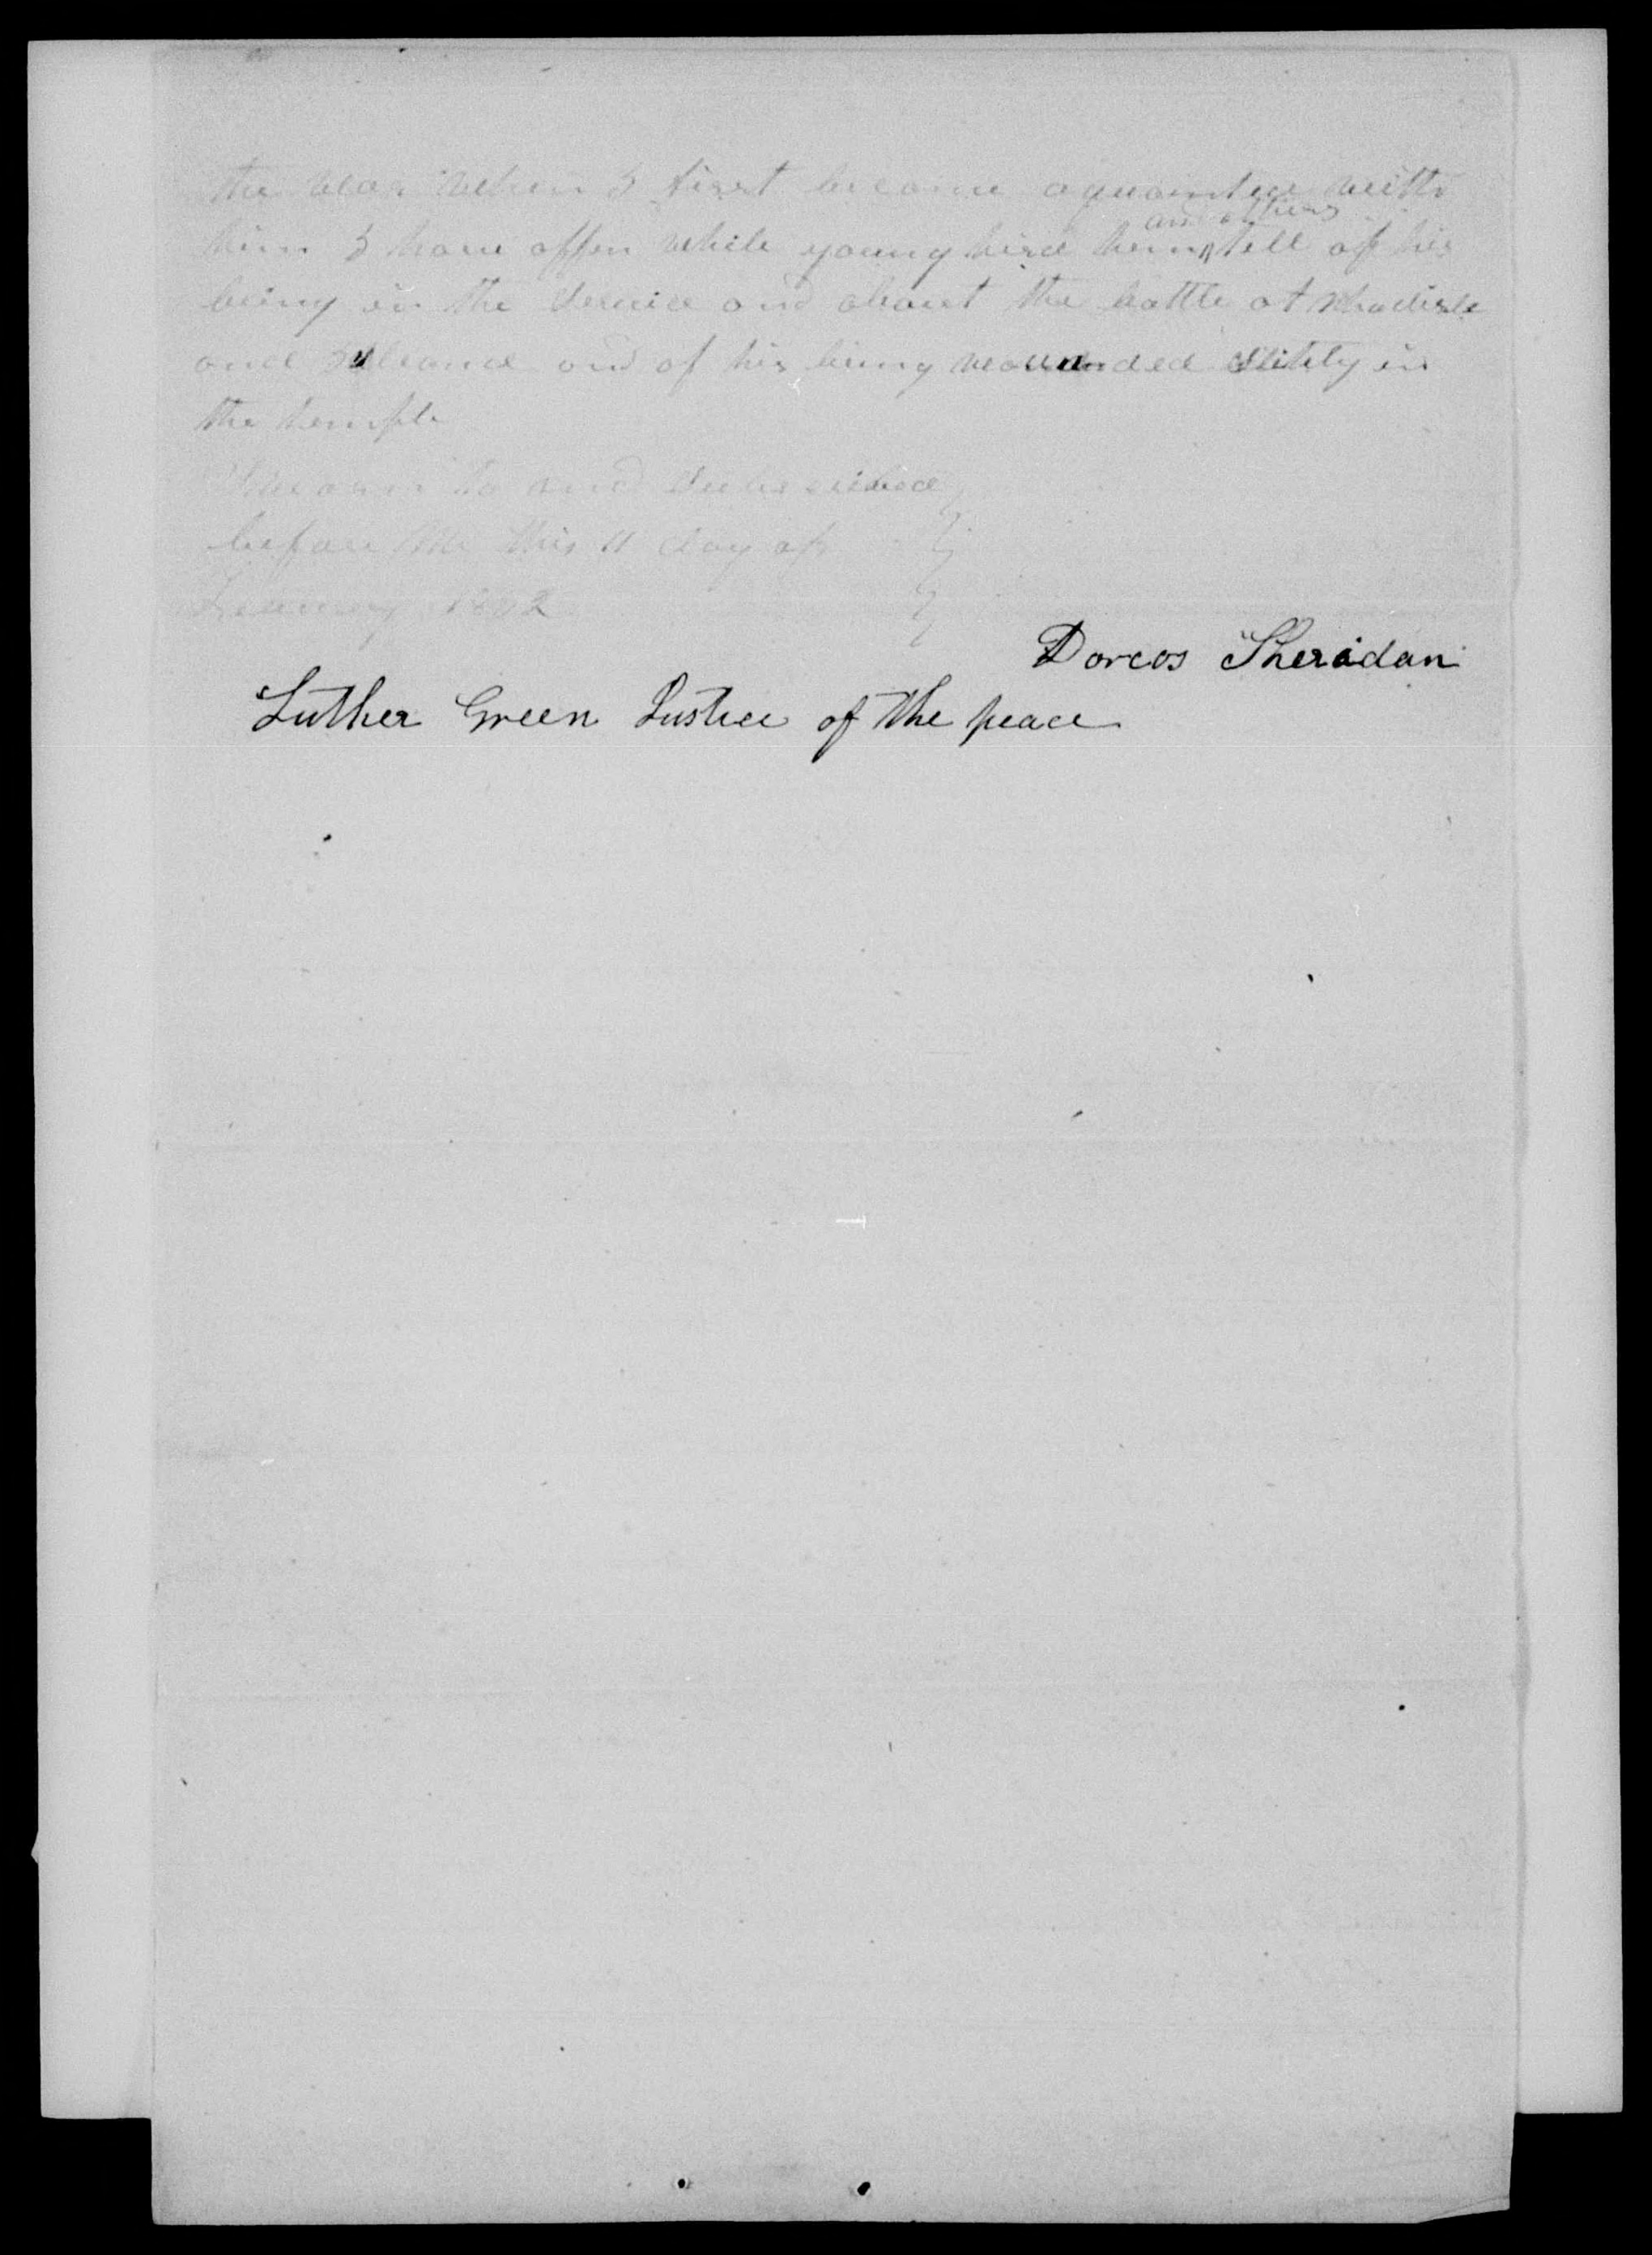the war when I first became acquainted with him. I have often while young heard him and others tell of his being in the Service and about the Battle at  [illegible Rhodeisle] and illegible out of his being wounded [illegible] in the temple
Sworn to and subscribed before this 4 day of January 1832

Dorcas Sheridan
Luther Green Justice of the peace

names: Dorcus Sheridan; Luther Green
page: 8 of 44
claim: survivor's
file: S. 28,815, for Philip Morris, Rhode Island